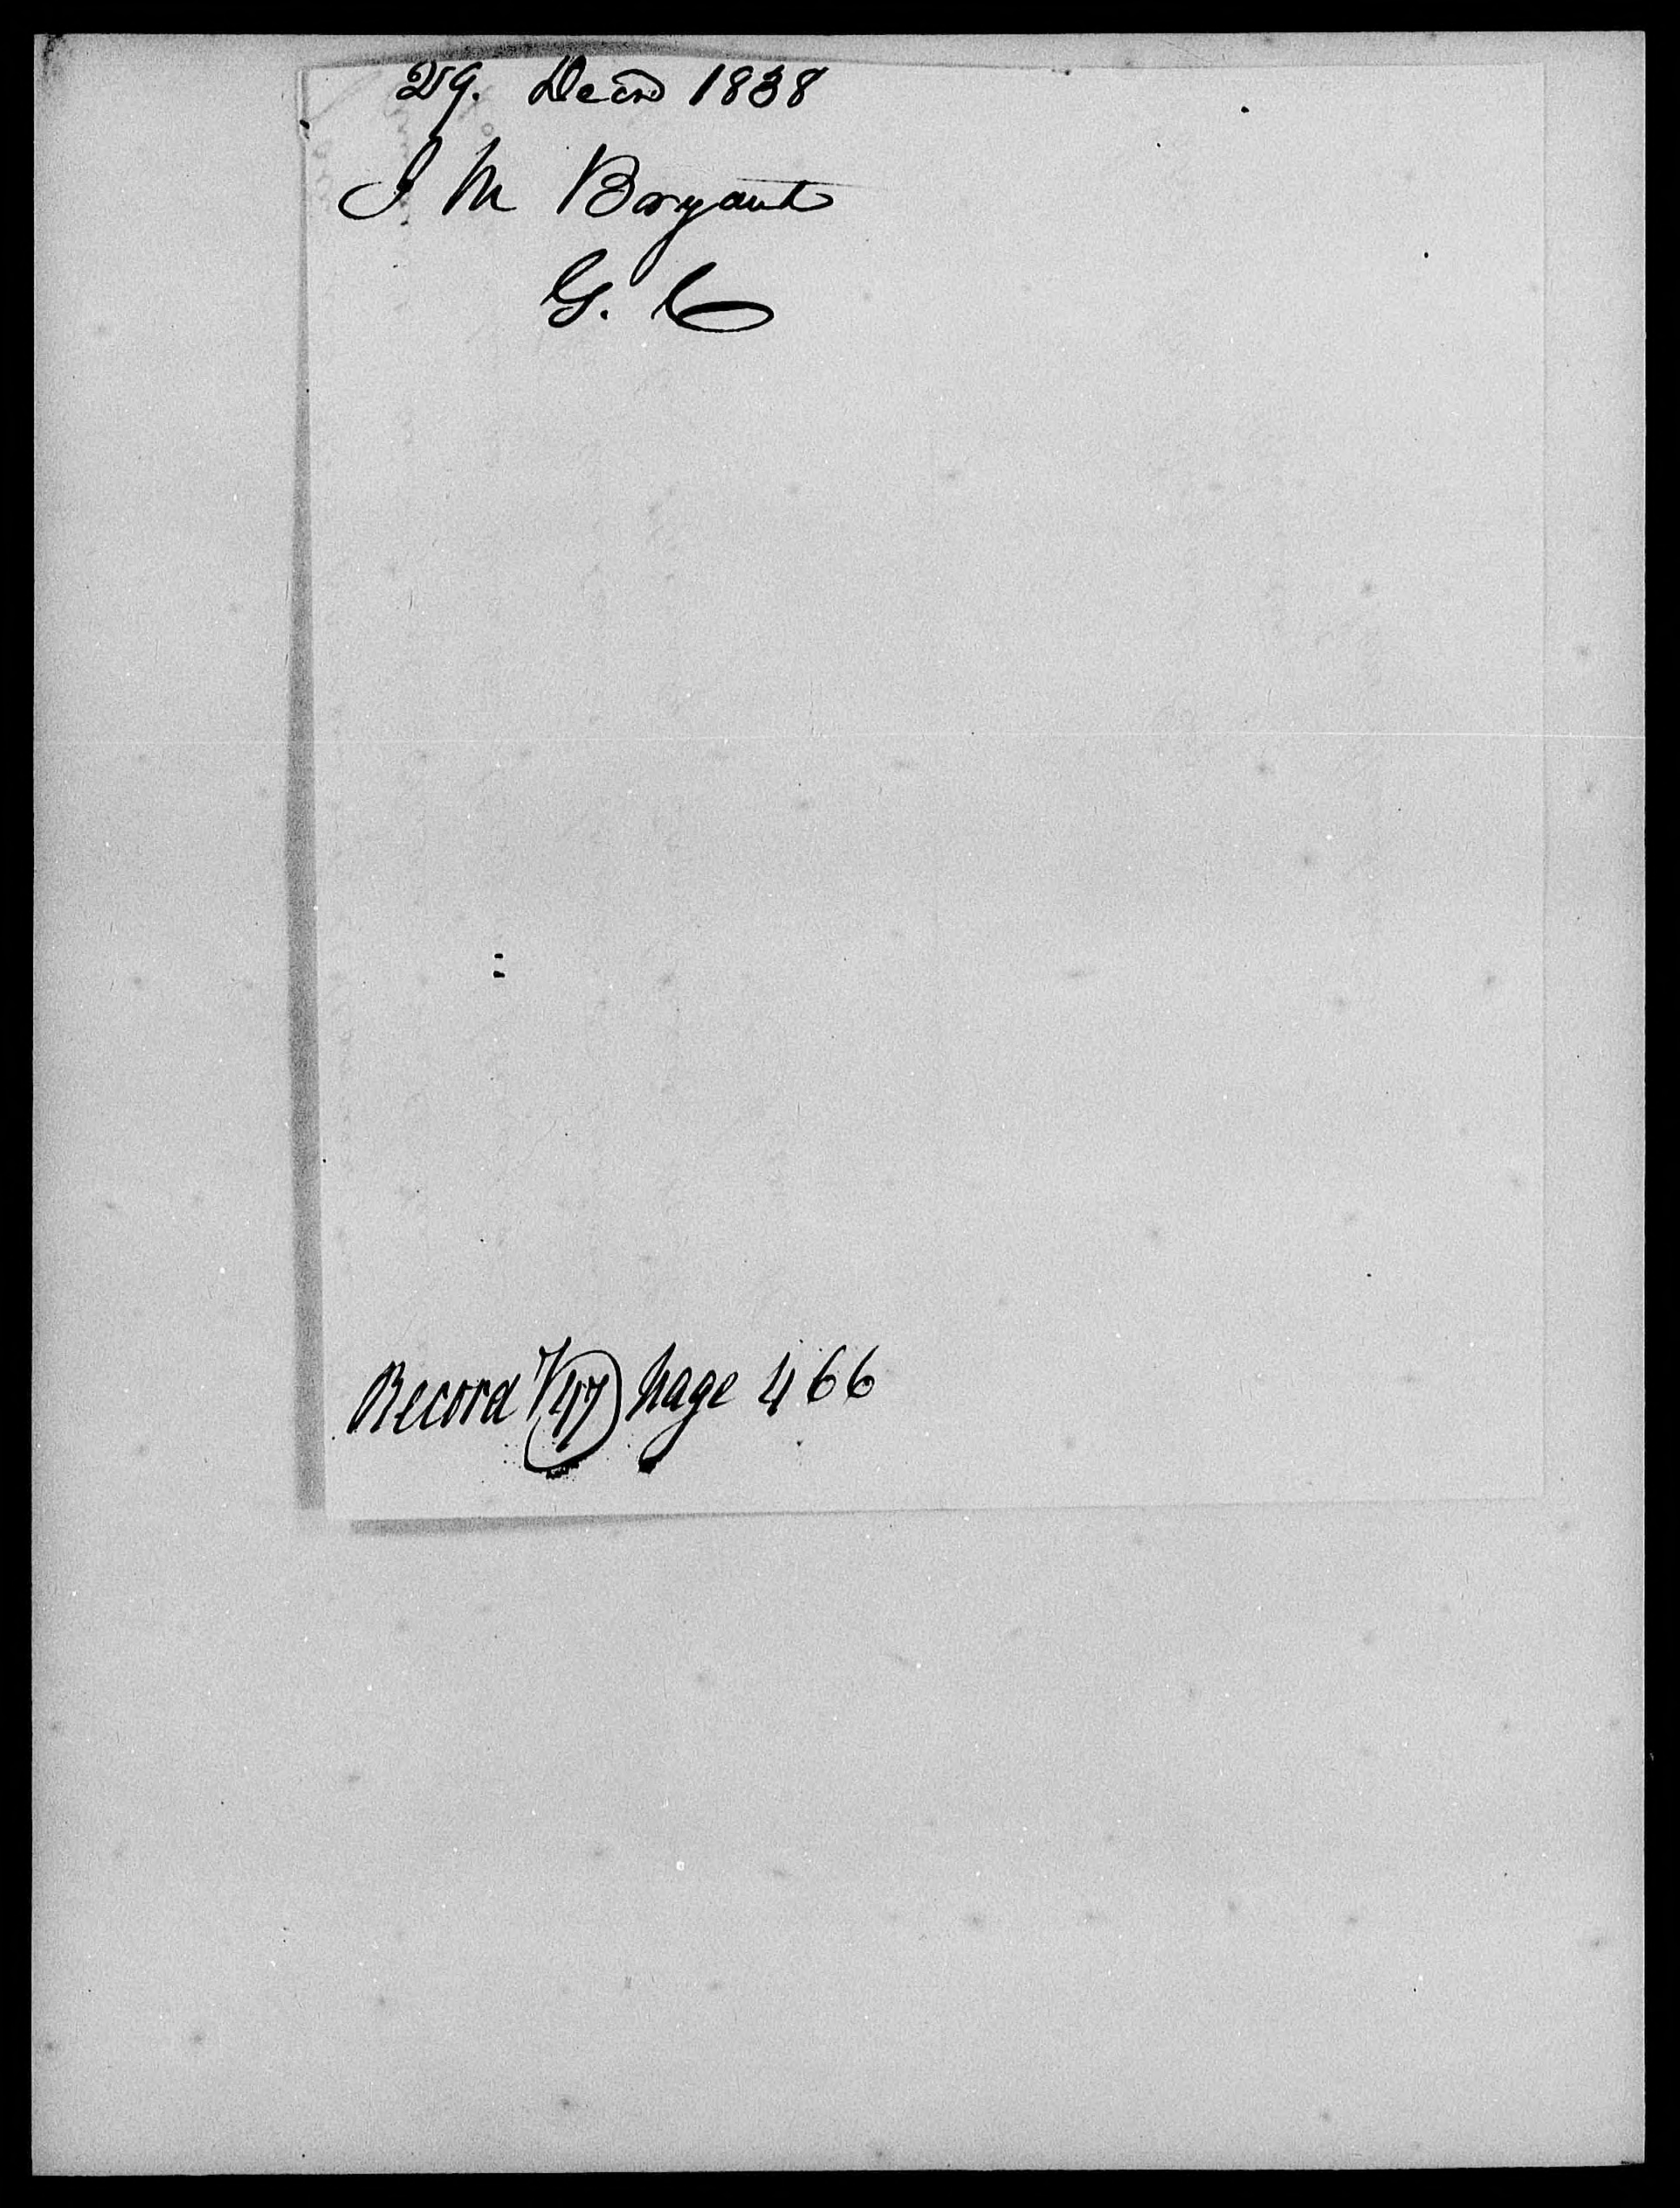219.  Dec'r 1838

J M Bryant

G.C

Record 7  47 [circled]  page 466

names: J M Bryant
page: 29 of 38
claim: survivor's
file: S. 43181, for Ezekiel Stone, New Hampshire